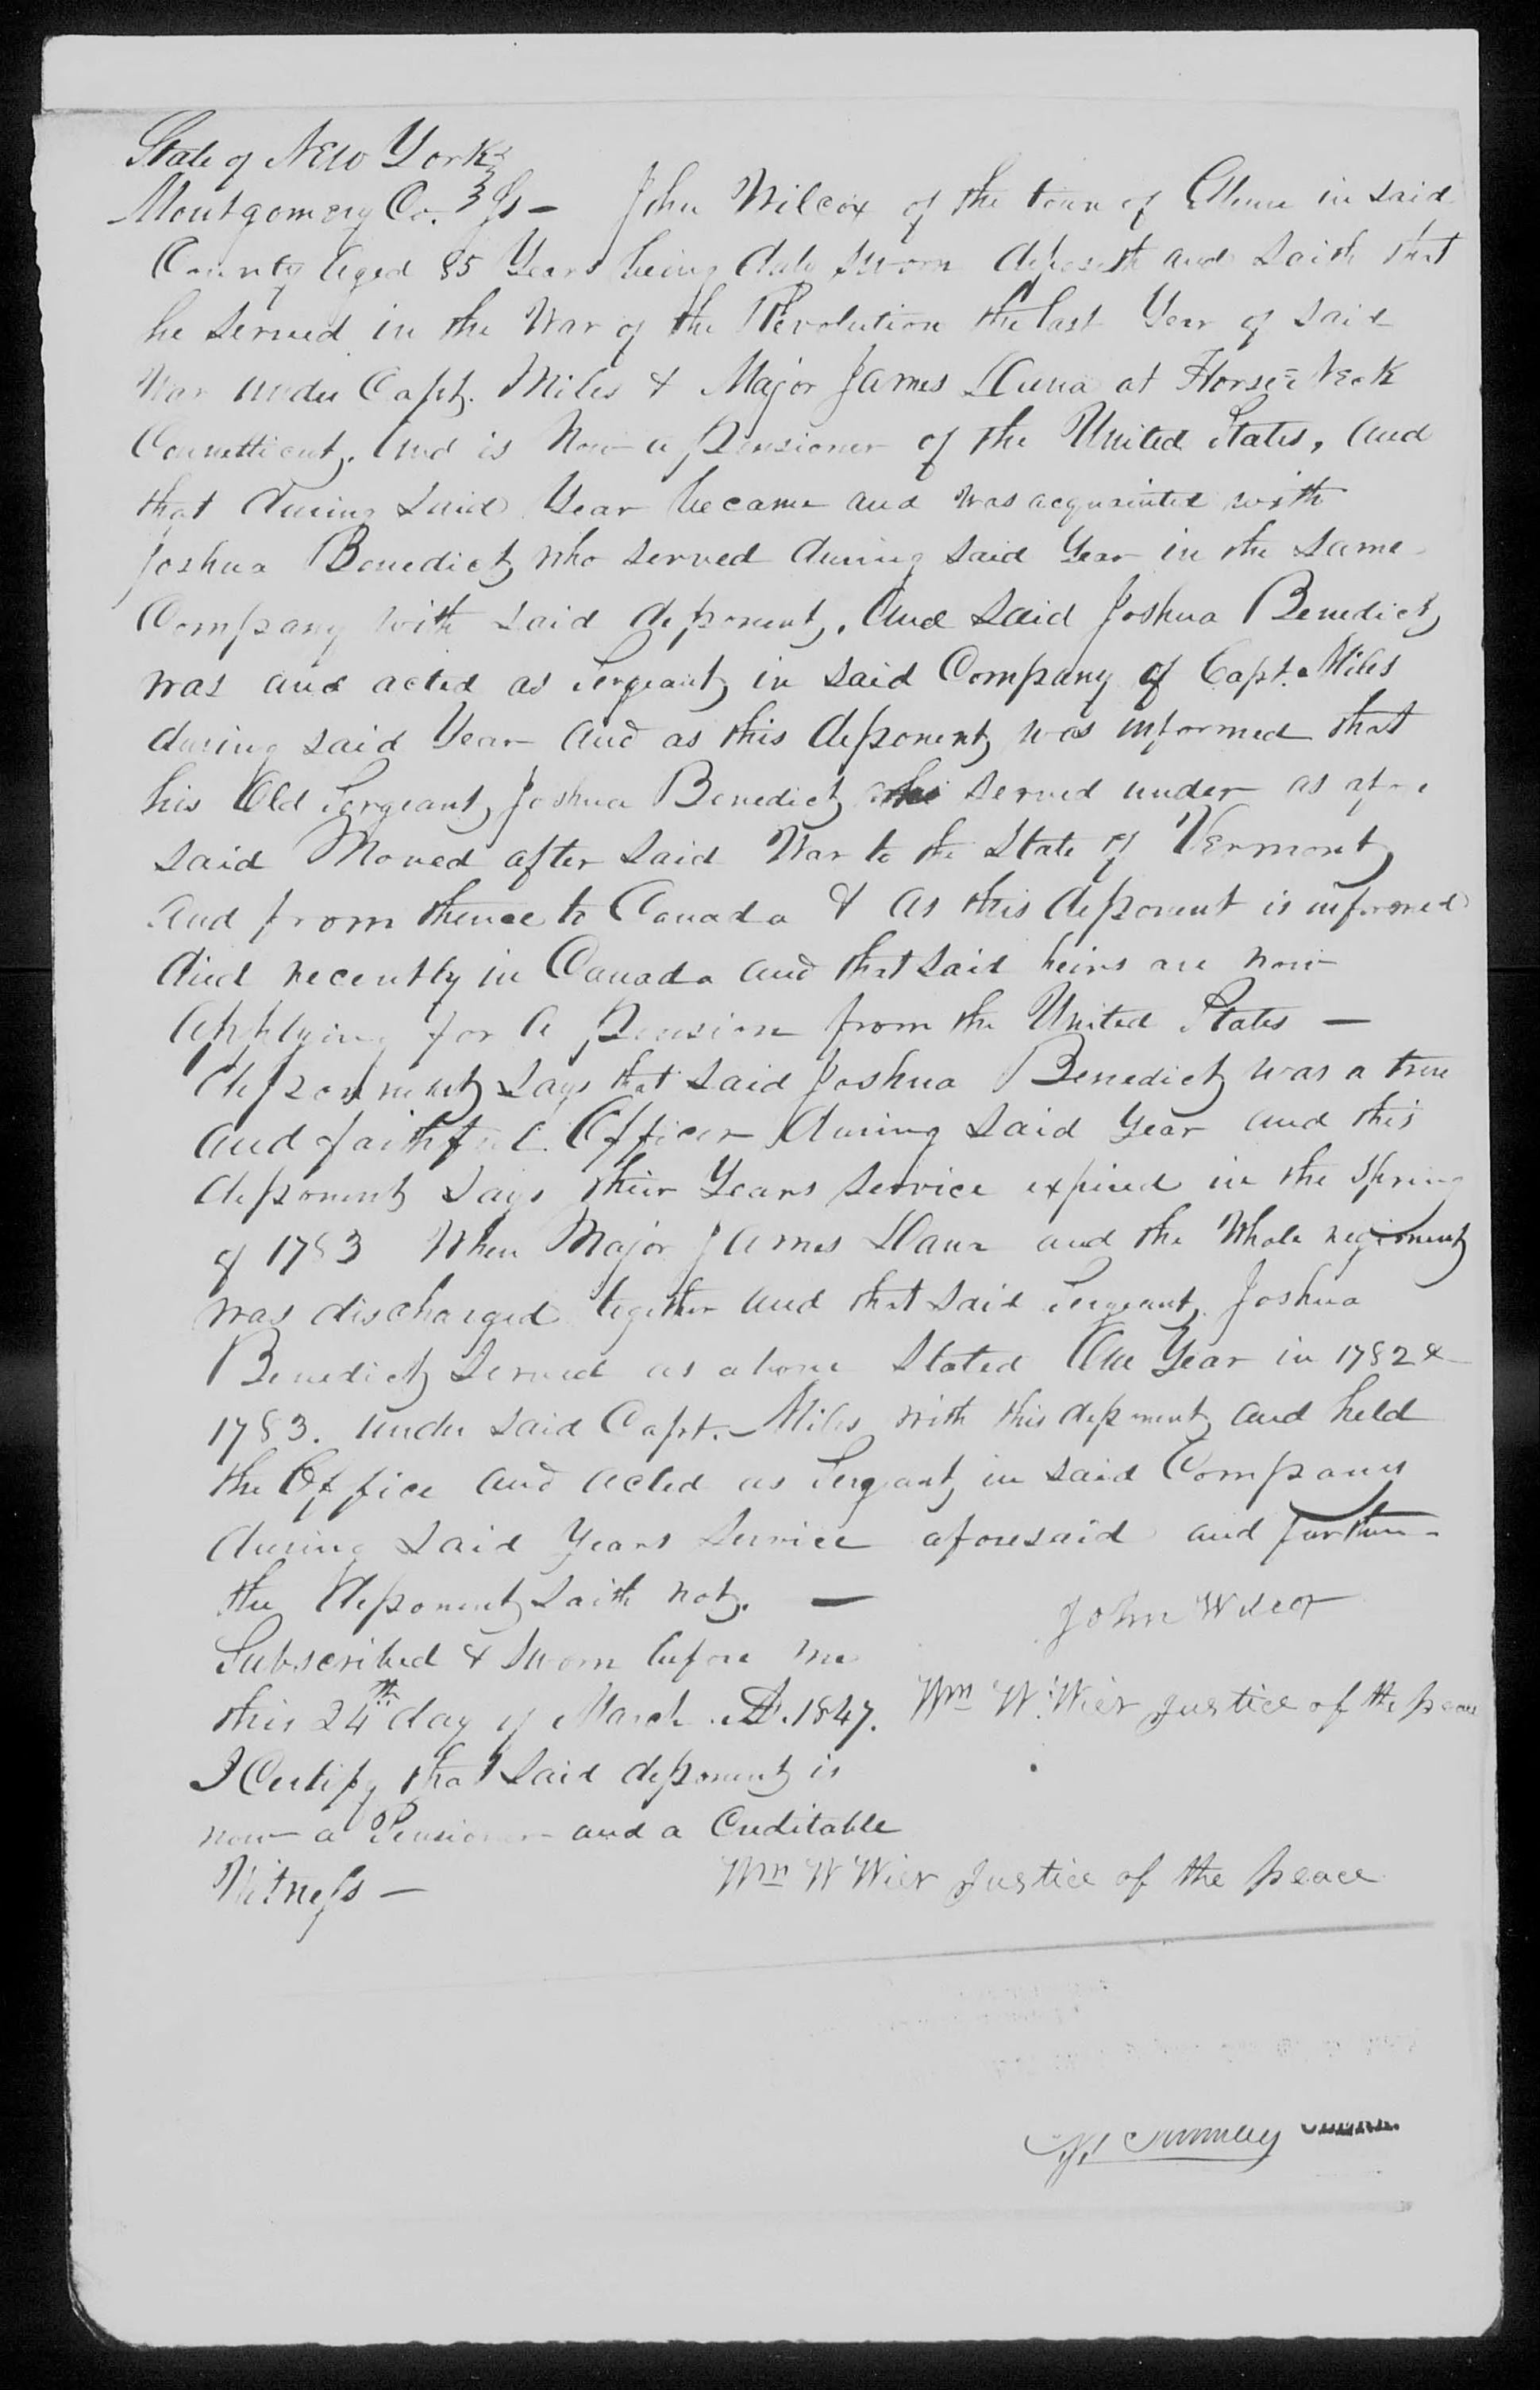State of New York
Montgomery Co. } Ss- John Wilcox of the town of Glenn [Glen] in said County Aged 85 Years being duly sworn deposeth and saith that he served in the War of the Revolution the last Year of said War under Capt. Miles & Major James Dana at Horse Neck Connecticut. And is now a Pensioner of the United States, and that during said Year became and was acquainted with Joshua Benedict who served during said Year in the same Company with said deponent. And said Joshua Benedict was and acted as Sergeant in said Company of Capt. Miles during said Year and as this deponent was informed that his Old Sergeant Joshua Benedict he served under as aforesaid moved after said War to the State of Vermont and from thence to Canada & as this deponent is informed died recently in Canada and that said heirs are now Applying for a Pension from the United States. Deponent says that said Joshua Benedict was a true and faithful Officer during said Year and this deponent says their Years service expired in the Spring of 1783 When Major James Dana and the Whole regiment was discharged together and that said Sergeant Joshua Benedict served as above Stated One Year in 1782 & 1783. under said Capt. Miles with this deponent and held the Office and acted as Sergeant in said Company during said years service aforesaid and furthermore the deponent saith not.
John Wilcox

Subscribed & sworn before me this 24th day of March AD. 1847. Wm W. Wier Justice of the peace
I Certify that said deponent is now a Pensioner and a Credible Witness - Wm W Wier Justice of the peace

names: Joshua Benedict, James Dana, James Dana, Joshua Benedict, Joshua Benedict, Joshua Benedict, Wm W Wier, John Wilcox, Miles, John Wilcox, Wm W Wier, Miles, Joshua Benedict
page: 58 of 106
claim: survivor's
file: S 23,116., Joshua Benedict, Conn.